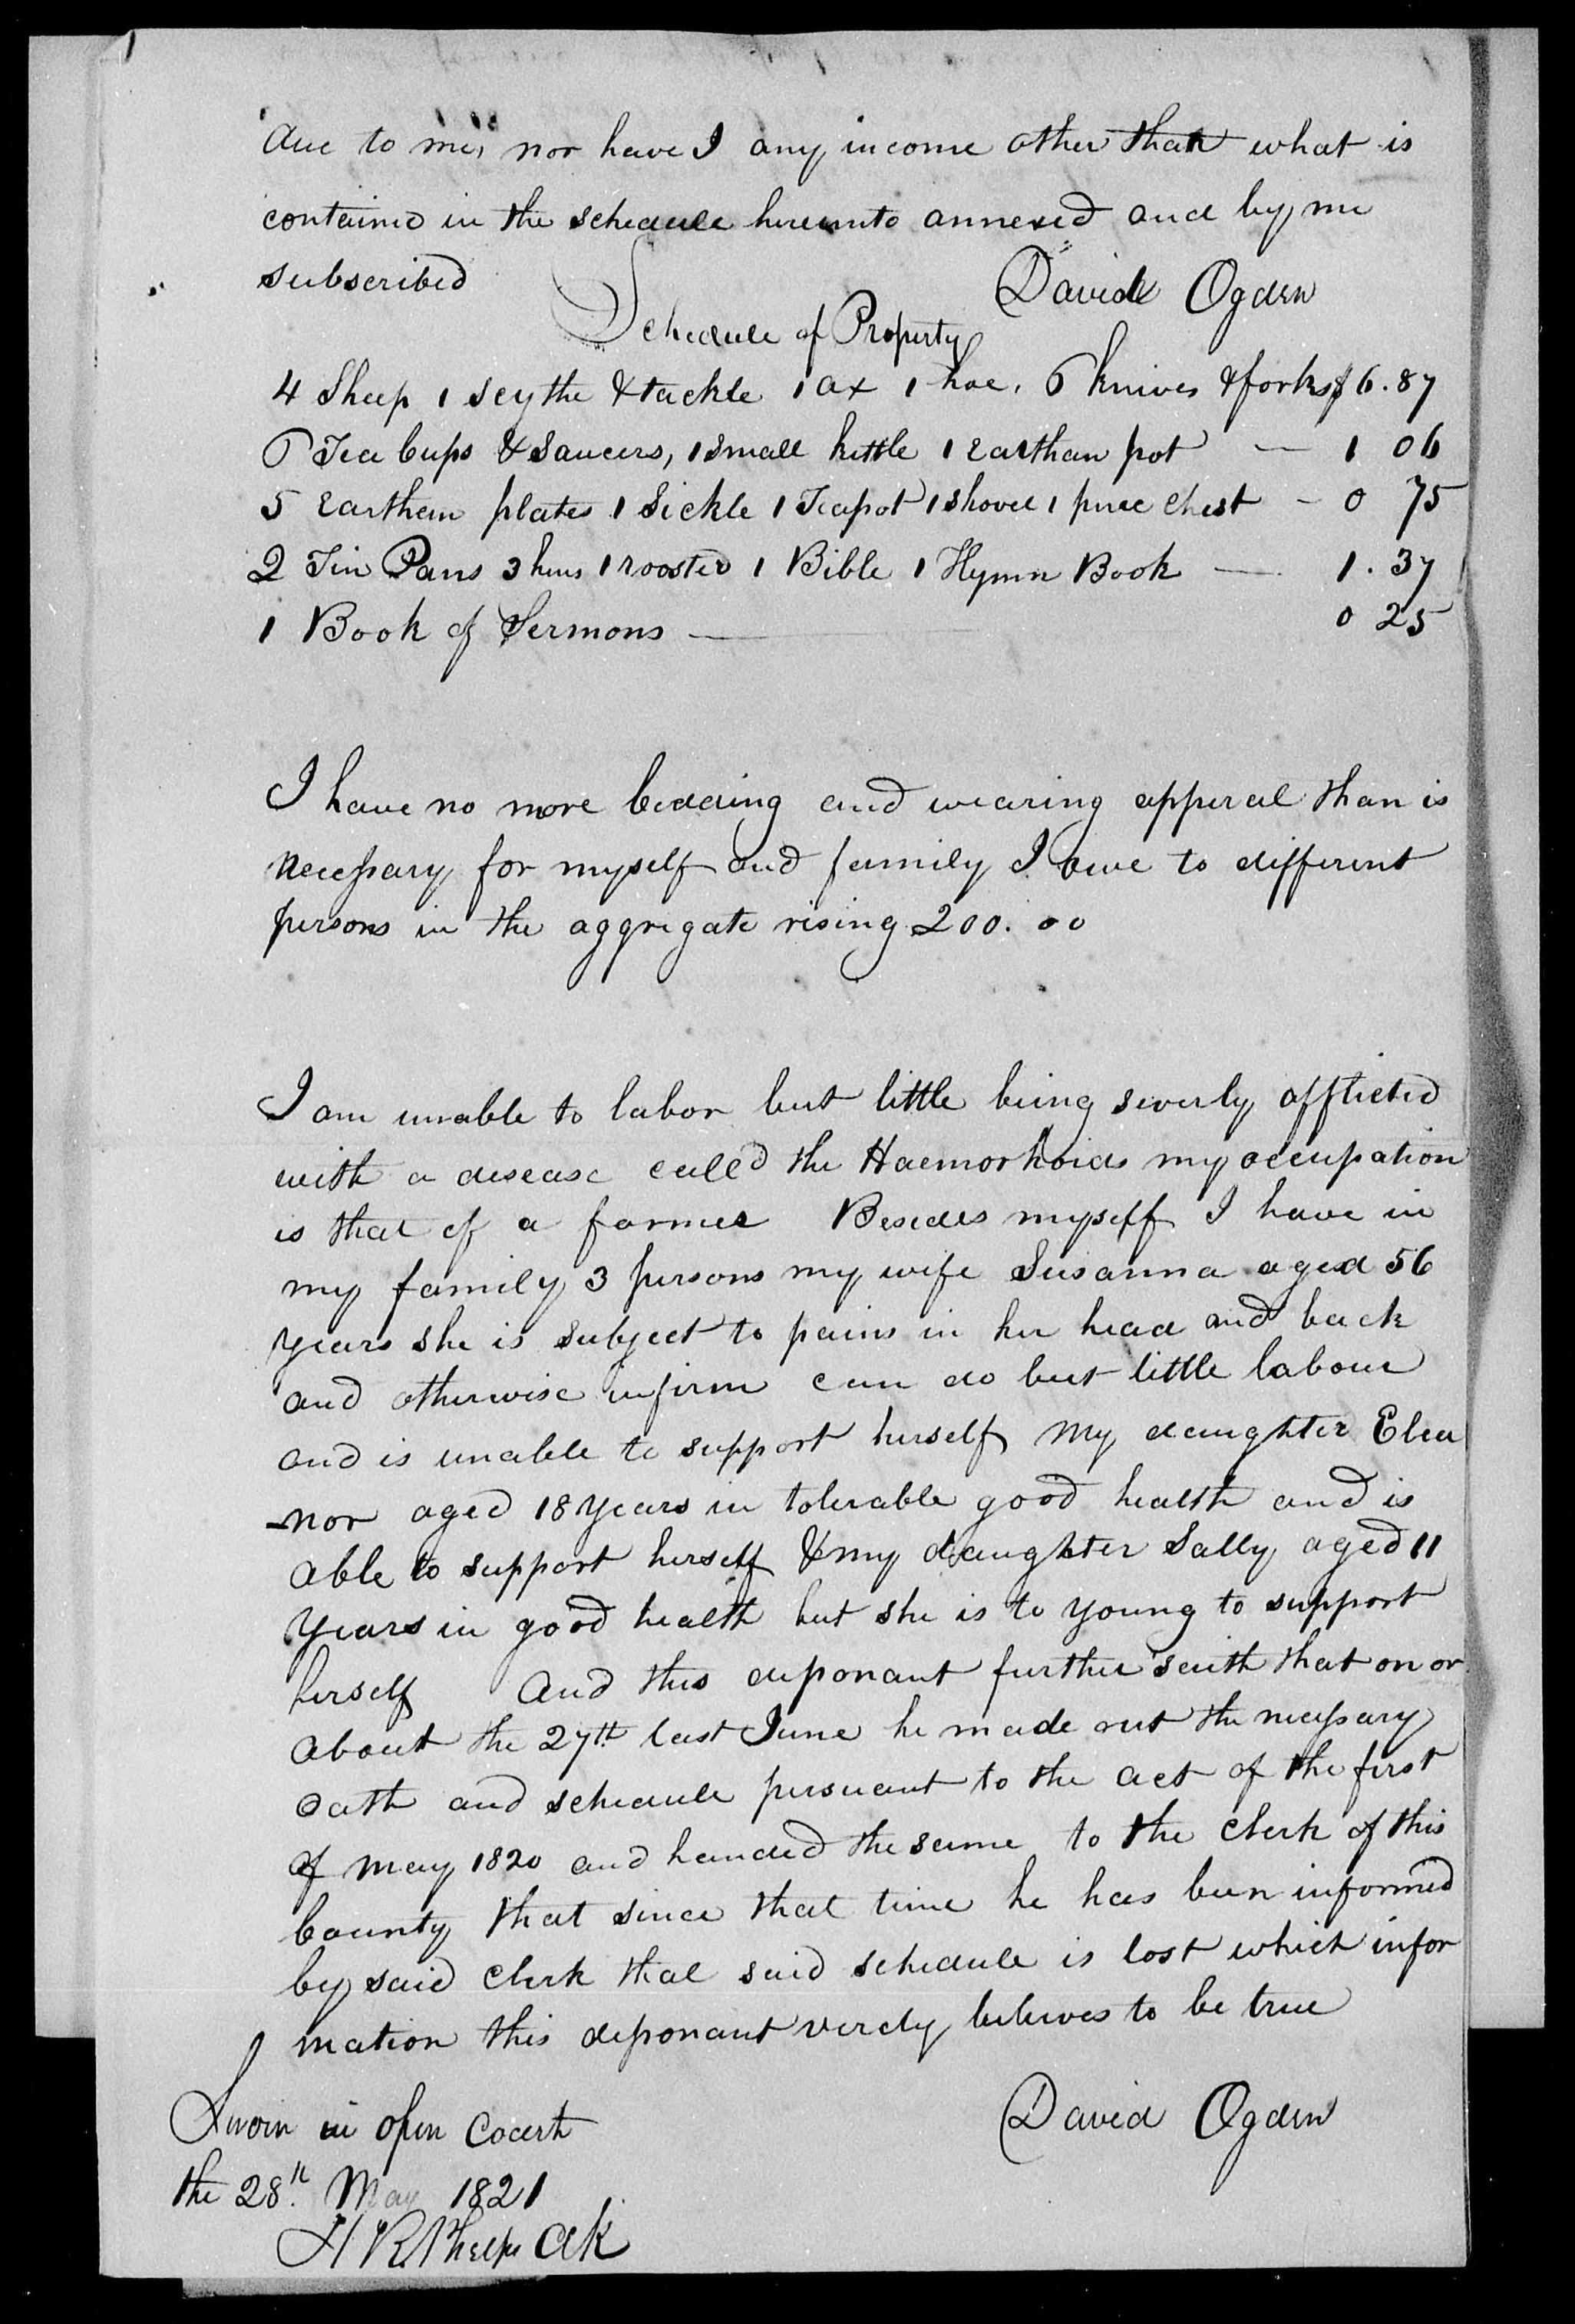due to me, nor have I any income other that what is
contained in the schedule hereunto annexed and by me
subscribed
David Ogden

Schedule of Property
4 Sheep 1 Scythe & tackle ax hoe, 6 knives & forks $6.87
6 Tea Cups & Saucers, 1 small kettle 1 Earthen pot -- 1.06
5 Earthen plates 1 Sickle 1 Teapot 1 shovel 1 [illegible] chest -- 0. 75
2 Tin Pans 3 hens 1 rooster 1 Bible 1 Hymn Book -- 1.37
1 Book of Sermons ---- 0.25

I have no more bedding and wearing appeal than is
necessary for myself and family I owe to different
persons in the aggregate rising 200.00

I am unable to labor but little being severly afflicted
with a disease calld the Haemorhoids my occupation
is that of a farmer Besides myself
I have in my family 3 persons my wife Susanna aged 56
years she is subject to pains in her head and back
and otherwise infirm can do but little labour
and is unable to support herself My daughter Eleanor 
aged 18 years in tolerable good health and is
able to support herself & my daughter Sally aged 11
years in good health but she is too young to support
herself And this deponant further saith that on or
about the 27th last June he made out the necessary
Oath and schedule pursuant to the act of the first
of May 1820 and handed the same to the clerk of this
County that since that time he has been informed
by said Clerk that said schedule is lost which 
information this deponent verily believes to be true
David Ogden

Sworn in open Court
the 28th May 1821
H R. Phelps clk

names: Eleanor [BLANK]; David Ogden; H R Phelps; Sally [BLANK]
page: 15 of 40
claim: widow's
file: W. 24364, for David Ogden, New York